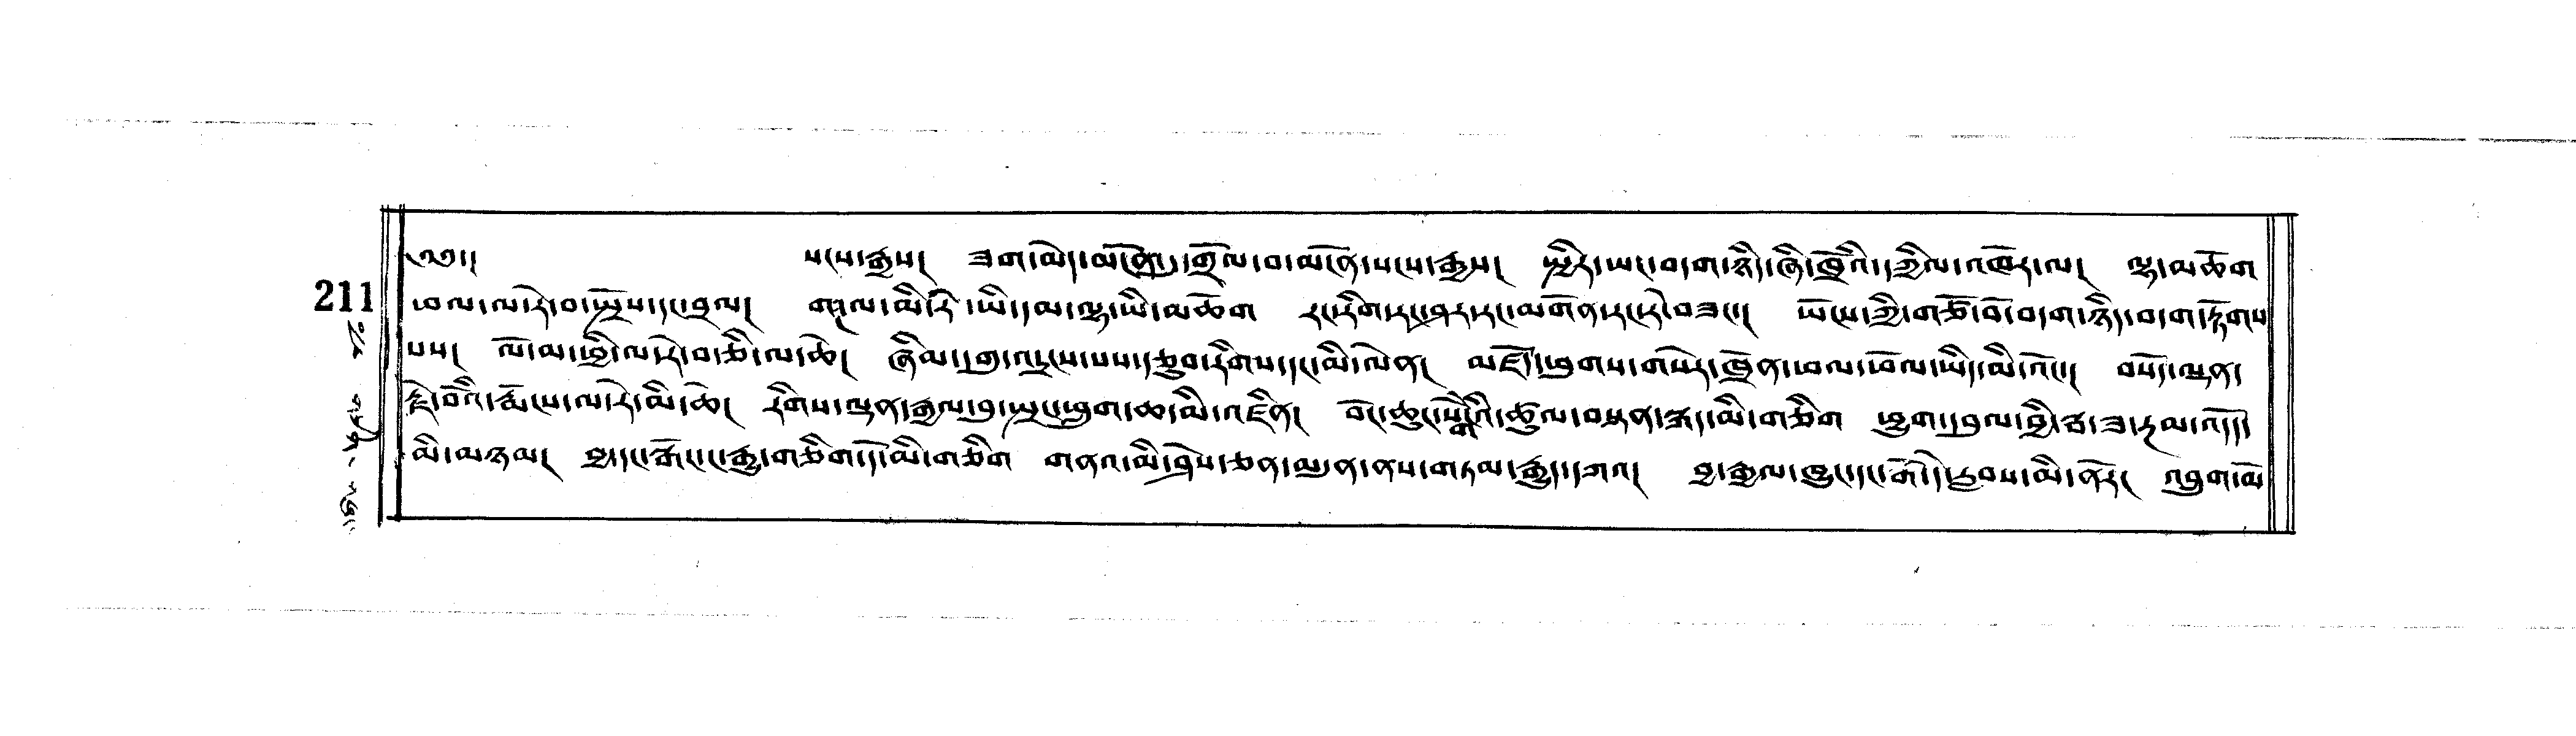སངས་རྒྱས། ཟག་མེད་མངོན་དུ་གྲོལ་བ་མངོན་སངས་རྒྱས། སྤྱིར་ཡང་བདག་ཉིད་ཞི་ཁྲོའི་དཀྱིལ་འཁོར་ལ། ལྷ་མཆོག་
ཕལ་ལ་རེ་བ་སྤྲོས་དང་བྲལ། གང་ལ་མི་རེ་ཡི་དམ་ལྷ་ཡི་མཆོག རང་རིག་རང་ཤར་རང་མགོན་རང་རེ་བཟང་། ཡོངས་ཀྱི་གཙོ་བོ་བདག་ཉིད་བདག་རྟོགས་
པས། ལོ་མ་ཕྱི་ལ་རེ་བ་ཅི་ལ་ཆེ། ཞིམ་དགུ་དྲངས་པས་རྩུབ་རེག་དང་མི་ལེན། མཛོད་ཕུག་གསེར་ཁྲོལ་ཕལ་ཕོལ་ཡིད་མི་འོང་། བསོད་ལྡན་
རྗེ་བོའི་རྨོངས་ལ་རེ་མི་ཆེ། རིགས་ལྡན་རྒྱལ་བུ་སྤྲང་ཕྲུག་ཆ་མི་འཛིན། བོང་ཆུང་སེང་གེའི་ཚུལ་བསྟན་སྐད་མི་གཅིག ཕྱུག་དབུལ་བྱི་སྦ་ཟ་རྔམ་འདོད་
མི་མཉམ། བྱ་དང་སྒོང་ང་རྒྱུ་གཅིག་དོ་མི་གཅིག གནའ་མི་ཤེས་ཅན་མདུན་ནས་གཏམ་རྒྱུད་དཀའ། བྱ་རྒྱལ་ཁྱུང་དང་གོ་དེ་རླབས་མི་ནོར། འབྲུག་མོ་